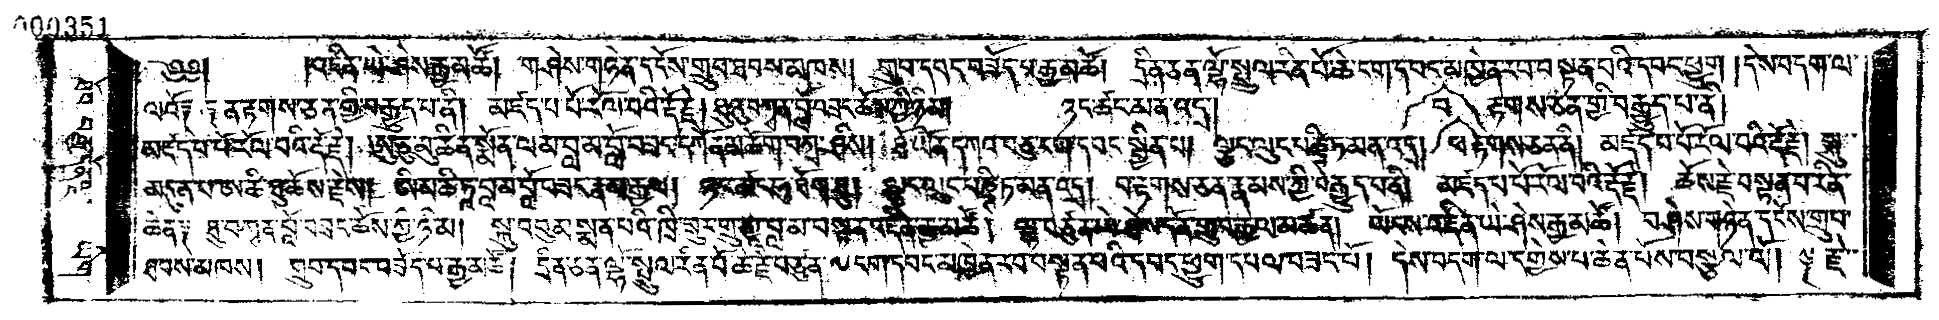༄༅། །འཛིན་ཡེ་ཤེས་རྒྱ་མཚོ། གཤེས་གཉེན་དངོས་གྲུབ་ཐབས་མཁས། གྲུབ་དབང་བཟོད་པ་རྒྱ་མཚོ། དྲིན་ཅན་ལྷོ་སྤྲུལ་རིན་པོ་ཆེ་ངག་དབང་མཁྱེན་རབ་བསྟན་པའི་དབང་ཕྱུག །དེས་བདག་ལ་
ལའོ༑ ༑ན་རྟགས་ཅན་གྱི་བརྒྱུད་པ་ནི། མཛད་པ་པོ་རོལ་བའི་རྡོ་རྗེ། ཐུའུ་བཀྭན་བློ་བཟང་ཆོས་ཀྱི་ཉི་མ། ཉང་ཚང་མན་འདྲ། ༼བ༽ རྟགས་ཅན་གྱི་བརྒྱུད་པ་ནི།
མཛད་པ་པོ་རོལ་བའི་རྡོ་རྗེ། ཨུ་ཅུ་མུ་ཆིན་སྨོན་ལམ་བླ་མ་བློ་བཟང་དཀོན་མཆོག་བཀྲ་ཤིས། ཐོ་ཡོན་དཀའ་བཅུ་ངག་དབང་སྦྱིན་པ། ལྕང་ལུང་པཎྜི་ཏ་མན་འདྲ། ༼ཕ༽ རྟགས་ཅན་ནི། མཛད་པ་པོ་རོལ་བའི་རྡོ་རྗེ། སྐུ་
མདུན་པ་ཨ་ཚི་ཐུ་ཆོས་རྗེས། ཨི་མ་ཆི་ཏཱ་བླ་མ་བློ་བཟང་རྣམ་རྒྱལ། ཉང་ཚང་ཧུ་ཐོག་ཐུ། ལྕང་ལུང་པཎྚི་ཏ་མན་འདྲ། བ་རྟགས་ཅན་རྣམས་ཀྱི་བརྒྱུད་པ་ནི། མཛད་པ་པོ་རོལ་བའི་རྡོ་རྗེ། ཆོས་རྗེ་བསྟན་པ་རིན་
ཆེན༑ ཐུ་བཀྭན་བློ་བཟང་ཆོས་ཀྱི་ཉི་མ། སྐུ་འབུམ་སྨན་པའི་ཁྲི་ཟུར་གྲུ་ཀྱཱ་བླ་མ་བསྟན་འཛིན་རྒྱ་མཚོ། ལྷ་བཙུན་ཡེ་ཤེས་དོན་གྲུབ་རྒྱལ་མཚན། ཡོངས་འཛིན་ཡེ་ཤེས་རྒྱ་མཚོ། བཤེས་གཉེན་དངོས་གྲུབ་
ཐབས་མཁས། གྲུབ་དབང་བཟོད་པ་རྒྱ་མཚོ། དྲིན་ཅན་ལྷོ་སྤྲུལ་རིན་པོ་ཆེ་རྗེ་བཙུན ༧ངག་དབང་མཁྱེན་རབ་བསྟན་པའི་དབང་ཕྱུག་དཔལ་བཟང་པོ། དེས་བདག་ལ་དགྱེས་པ་ཆེན་པོས་བསྩལ་ལོ། ༈ རྗེ་